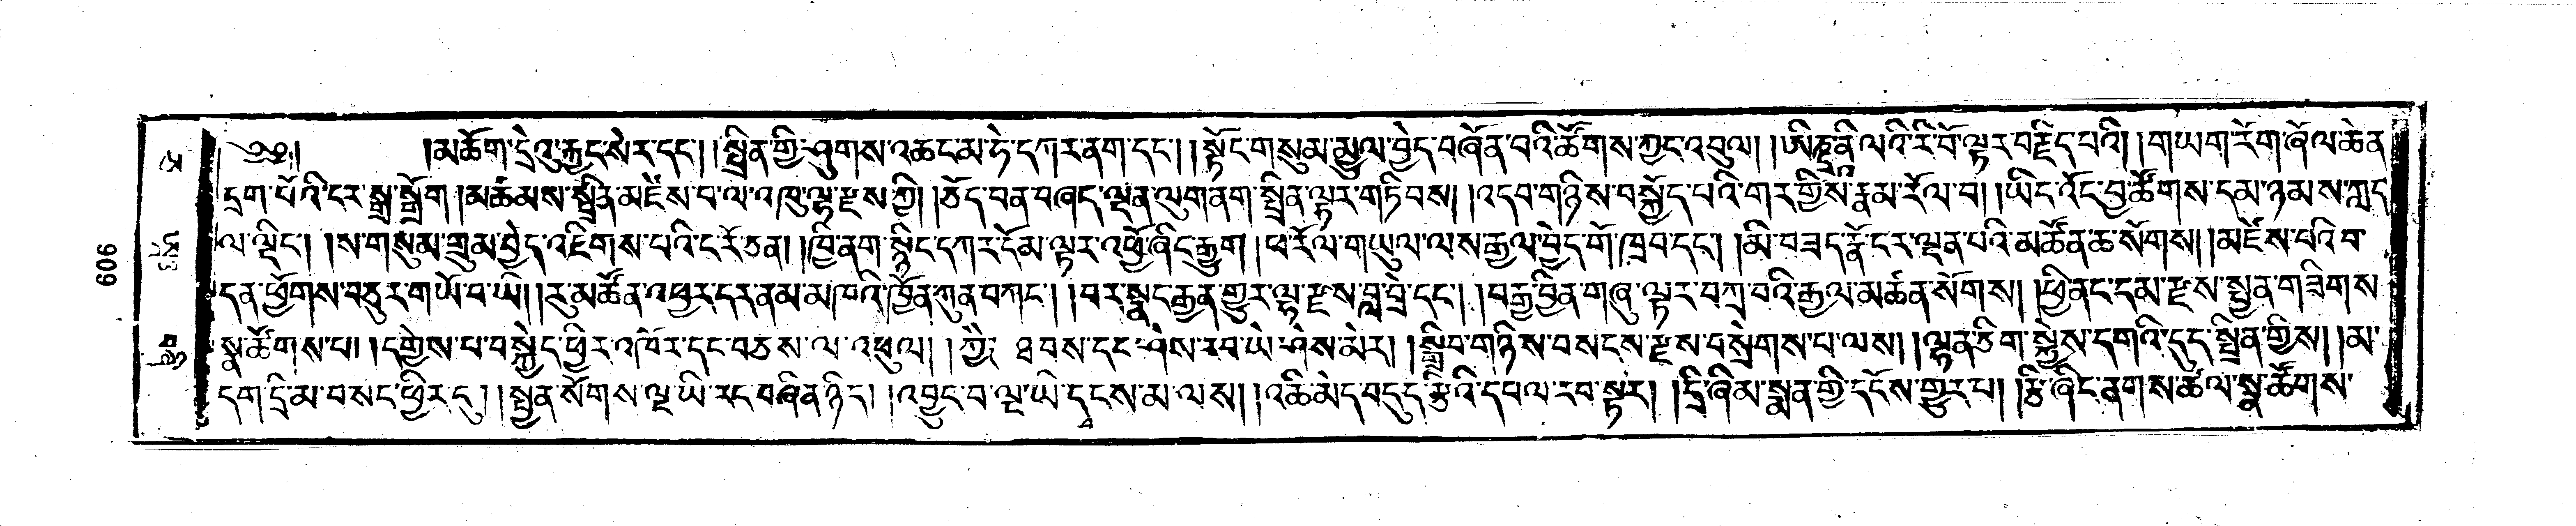༄༅། །མཆོག་དྲེའུ་རྐྱང་སེར་དང་། །སྤྲིན་གྱི་ཤུགས་འཆང་མ་ཧེ་དཀར་ནག་དང་། །སྟོང་གསུམ་མྱུལ་བྱེད་བཞོན་པའི་ཚོགས་ཀྱང་འབུལ། །ཨིཎྡྲ་ནཱི་ལའི་རི་བོ་ལྟར་བརྗིད་པའི། །གཡག་རོག་ཞོལ་ཆེན་
དྲག་པོའི་ངར་སྒྲ་སྒྲོག །མཚམས་སྤྲིན་མཛེས་པ་ལ་འཁུ་ལྷ་རྫས་ཀྱི། །ཅོད་པན་བཞད་ལྡན་ལུག་ནག་སྤྲིན་ལྟར་གཏིབས། །འདབ་གཉིས་བསྐྱོད་པའི་གར་གྱིས་རྣམ་རོལ་བ། །ཡིད་འོང་བྱ་ཚོགས་དམ་ཉམས་ཀླད་
ལ་ལྡིང་། །ས་གསུམ་གྲུམ་བྱེད་འཇིགས་པའི་ང་རོ་ཅན། །ཁྱི་ནག་སྙིང་དཀར་དོམ་ལྟར་འཕྱོ་ཞིང་རྒྱུག །ཕ་རོལ་གཡུལ་ལས་རྒྱལ་བྱེད་གོ་ཁྲབ་དང་། །མི་བཟད་རྣོ་ངར་ལྡན་པའི་མཚོན་ཆ་སོགས། །མཛེས་པའི་བ་
དན་ཕྱོགས་བཅུར་གཡོ་བ་ཡི། །རུ་མཚོན་འཕྱར་དར་ནམ་མཁའི་ཁྱོན་ཀུན་བཀང་། །བར་སྣང་རྒྱན་གྱུར་ལྷ་རྫས་བླ་བྲེ་དང་། །བརྒྱ་བྱིན་གཞུ་ལྟར་བཀྲ་བའི་རྒྱལ་མཚན་སོགས། །ཕྱི་ནང་དམ་རྫས་སྤྱན་གཟིགས་
སྣ་ཚོགས་པ། །དགྱེས་པ་བསྐྱེད་ཕྱིར་འཁོར་དང་བཅས་ལ་འབུལ། །ཀྱཻ། ཐབས་དང་ཤེས་རབ་ཡེ་ཤེས་མེར། །སྒྲིབ་གཉིས་བསངས་རྫས་བསྲེགས་པ་ལས། །ལྷན་ཅིག་སྐྱེས་དགའི་དུད་སྤྲིན་གྱིས། །མ་
དག་དྲི་མ་བསང་ཕྱིར་དུ། །སྤྱན་སོགས་ལྔ་ཡི་རང་བཞིན་ཉིད། །འབྱུང་བ་ལྔ་ཡི་དྭངས་མ་ལས། །འཆི་མེད་བདུད་རྩིའི་དཔལ་རབ་སྟར། །དྲི་ཞིམ་སྨན་གྱི་དངོས་གྱུར་པ། །རྩི་ཞིང་ནགས་ཚལ་སྣ་ཚོགས་